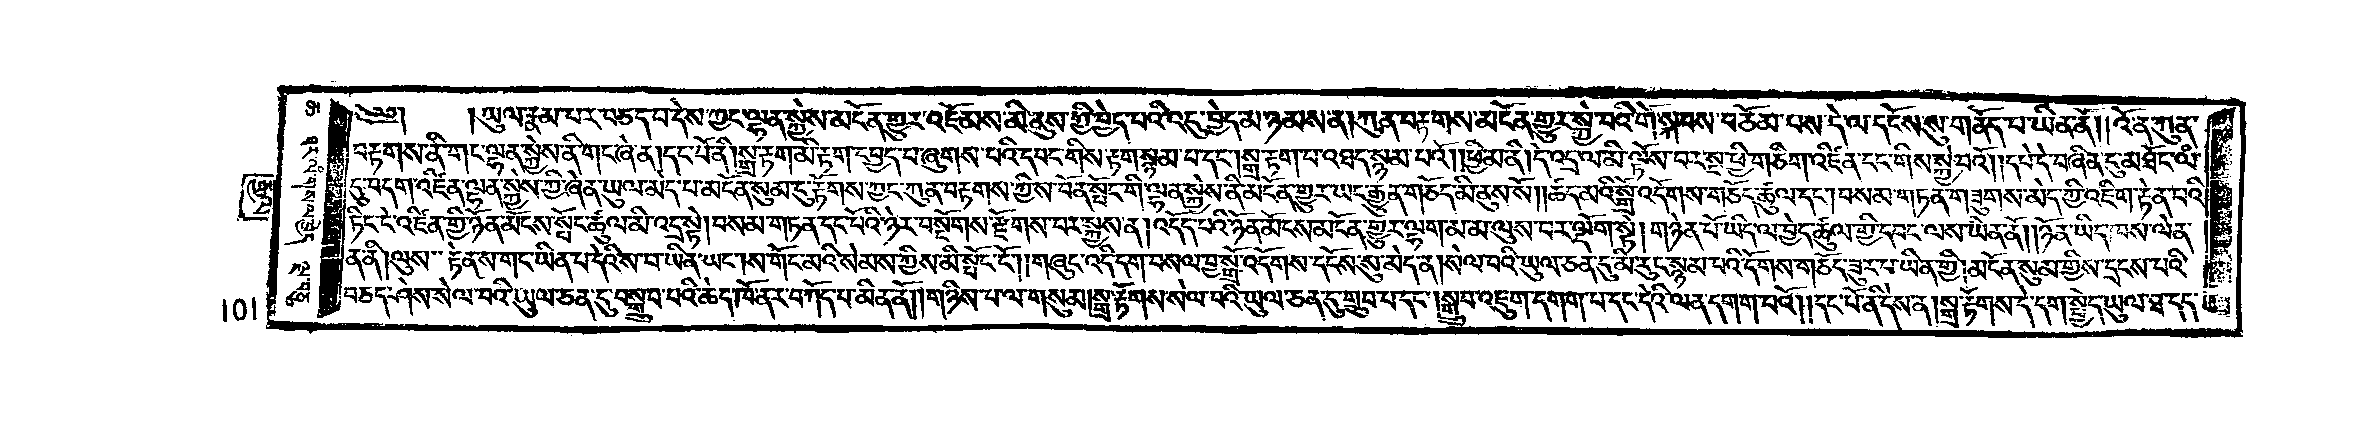༄༅། །ཡུལ་རྣམ་པར་བཅད་པ་དེས་ཀྱང་ལྷན་སྐྱེས་མངོན་གྱུར་འཇོམས་མི་ནུས་ཀྱི་བྱེད་པའི་འདུ་བྱེད་མ་ཉམས་ན། ཀུན་བརྟགས་མངོན་གྱུར་སྐྱེ་བའི་གོ་སྐབས་བཅོམ་པས་དེ་ལ་དངོས་སུ་གནོད་པ་ཡིན་ནོ། །འོ་ན་ཀུན་
བརྟགས་ནི་གང་ལྷན་སྐྱེས་ནི་གང་ཞེ་ན། དང་པོ་ནི། སྒྲ་རྟག་མི་རྟག་དཔྱད་པ་ཞུགས་པའི་དབང་གིས་རྟག་སྙམ་པ་དང་། སྒྲ་རྟག་པ་འཐད་སྙམ་པའི། །ཕྱི་མ་ནི། དེ་འདྲ་ལ་མི་ལྟོས་པར་སྔ་ཕྱི་གཅིག་འཛིན་དང་?་གིས་སྐྱེ་བའོ། །དཔེ་དེ་བཞིན་དུ་མཐོང་ལམ་
དུ་བདག་འཛིན་ལྷན་སྐྱེས་ཀྱི་ཞེན་ཡུལ་མེད་པ་མངོན་སུམ་དུ་རྟོགས་ཀྱང་ཀུན་བརྟགས་ཀྱི་ས་བོན་སྤོང་གི་ལྷན་སྐྱེས་ནི་མངོན་གྱུར་ཡང་རྒྱུན་གཅོད་མི་ནུས་སོ། །ཚད་མའི་སྒྲོ་འདོགས་གཅོད་ཚུལ་དང་། བསམ་གཏན་གཟུགས་མེད་ཀྱི་འཇིག་རྟེན་པའི་
ཏིང་ངེ་འཛིན་གྱི་ཉོན་མོངས་སྤོང་ཚུལ་མི་འདྲ་སྟེ། བསམ་གཏན་དང་པོའི་ཉེར་བསྔོགས་རྫོགས་པར་སྐྱེས་ན། འདོད་པའི་ཉོན་མོངས་མངོན་གྱུར་ལྷག་མ་མ་ལུས་པར་ལྡོག་སྟེ། གཉེན་པོ་ཡིད་ལ་བྱེད་ཚུལ་གྱི་དབང་ལས་ཡིན་ནོ། །ཉོན་ཡིད་ཁས་ལེན་
ན་ནི། ལུས་རྟེན་ས་གང་ཡིན་པ་དེའི་ས་བ་ཡིན་ཡང་། ས་གོང་མའི་སེམས་ཀྱིས་མི་སྤོང་ངོ། །གཞུང་འདི་དག་བསལ་བྱ་སྒྲོ་འདོགས་དངོས་སུ་མེད་ན། སེལ་བའི་ཡུལ་ཅན་དུ་མི་རུང་སྙམ་པའི་དོགས་གཅོད་ཟུར་པ་ཡིན་གྱི། མངོན་སུམ་གྱིས་དྲངས་པའི་
བཅད་ཤེས་སེལ་བའི་ཡུལ་ཅན་དུ་བསྒྲུབ་པའི་ཆེད་ཁོ་ནར་བཀོད་པ་མིན་ནོ། །གཉིས་པ་ལ་གསུམ། སྒྲ་རྟོགས་སེལ་བའི་ཡུལ་ཅན་དུ་གྲུབ་པ་དང་། སྒྲུབ་འཇུག་དགག་པ་དང་དེའི་ལན་དགག་པའོ། །དང་པོ་ནི་དེས་ན། སྒྲ་རྟོགས་དེ་དག་སྤྱོད་ཡུལ་ཐ་དད་